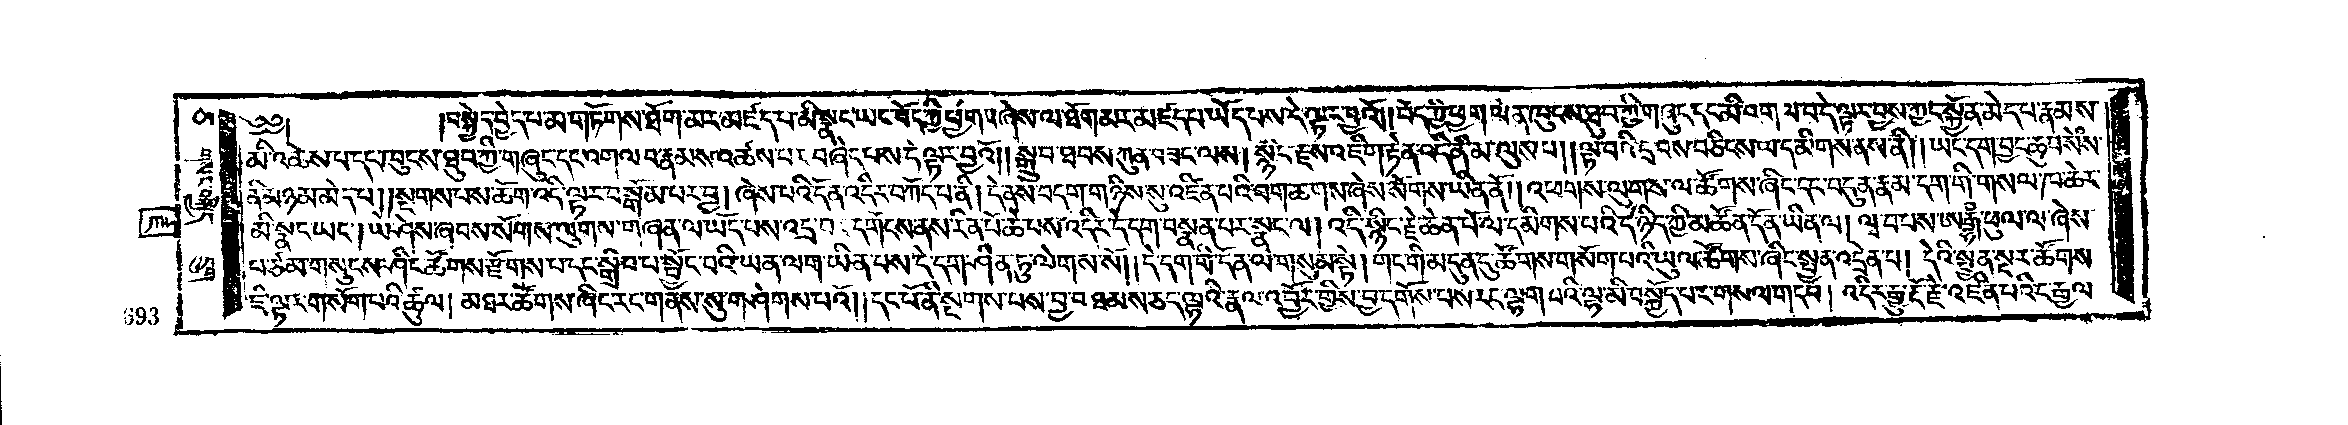༄༅། །བསྐྱེད་བྱེད་པ་མ་གཏོགས་ཐོག་མར་མཛད་པ་མི་སྣང་ཡང་བོད་ཀྱི་ཕྱག་བཞེས་ལ་ཐོག་མར་མཛད་པ་ཡོད་པས་དེ་ལྟར་བྱའོ། །བོད་ཀྱི་ཕྱག་ལེན་ཁུངས་ཐུབ་ཀྱི་གཞུང་དང་མི་འགལ་བ་དེ་ལྟར་བྱས་ཀྱང་སྐྱོན་མེད་པ་རྣམས་
མི་འཆོས་པ་དང་ཁུངས་ཐུབ་ཀྱི་གཞུང་དང་འགལ་བ་རྣམས་འཆོས་པར་བཞེད་པས་དེ་ལྟར་བྱའོ། །སྒྲུབ་ཐབས་ཀུན་བཟང་ལས། སྙིང་རྗེས་འཇིག་རྟེན་འདི་ནི་མ་ལུས་པ། །ལྟ་བའི་དྲ་བས་བཅིངས་ལ་དམིགས་ནས་ནི། །ཡང་དག་བྱང་ཆུབ་སེམས་
ནི་མཉམ་མེད་པ། །སྔགས་པས་ཆོ་ག་འདི་ལྟར་བསྒོམ་པར་བྱ། ཞེས་པའི་དོན་འདིར་བཀོད་པ་ནི། དེ་ནས་བདག་གཉིས་སུ་འཛིན་པའི་བག་ཆགས་ཞེས་སོགས་ཡིན་ནོ། །འཕགས་ལུགས་ལ་ཚོགས་ཞིང་དང་བདུན་རྣམ་དག་གི་གསལ་ཁ་ཆེར་
མི་སྣང་ཡང་། ཡེ་ཤེས་ཞབས་སོགས་ལུགས་གཞན་ལ་ཡོད་པས་འདྲ་བར་དགོངས་ནས་རིན་པོ་ཆེ་པས་འདིར་དེ་དག་བསྣན་པར་སྣང་ལ། འདི་སྙིང་རྗེ་ཆེན་པོ་ལ་དམིགས་པའི་དེ་ཉིད་ཀྱི་མཚོན་དོན་ཡིན་ལ། ལྭ་བ་པས་ཨརགྷཾ་ཕུལ་ལ་ཞེས་
པ་ཙམ་གསུངས་ཤིང་ཚོགས་རྫོགས་པ་དང་སྒྲིབ་པ་སྦྱོང་བའི་ཡན་ལག་ཡིན་པས་དེ་དག་ཤིན་ཏུ་ལེགས་སོ། །དེ་དག་གི་དོན་ལ་གསུམ་སྟེ། གང་གི་མདུན་དུ་ཚོགས་གསོག་པའི་ཡུལ་ཚོགས་ཞིང་སྤྱན་འདྲེན་པ། དེའི་སྤྱན་སྔར་ཚོགས་
ཇི་ལྟར་གསོག་པའི་ཚུལ། མཐར་ཚོགས་ཞིང་རང་གནས་སུ་གཤེགས་པའོ། །དང་པོ་ནི་སྔགས་པས་བྱ་བ་ཐམས་ཅད་ལྷའི་རྣལ་འབྱོར་གྱིས་བྱ་དགོས་པས་རང་ལྷག་པའི་ལྷ་མི་བསྐྱོད་པར་གསལ་གདབ། འདིར་རྒྱུ་རྡོ་རྗེ་འཛིན་པའི་ང་རྒྱལ་